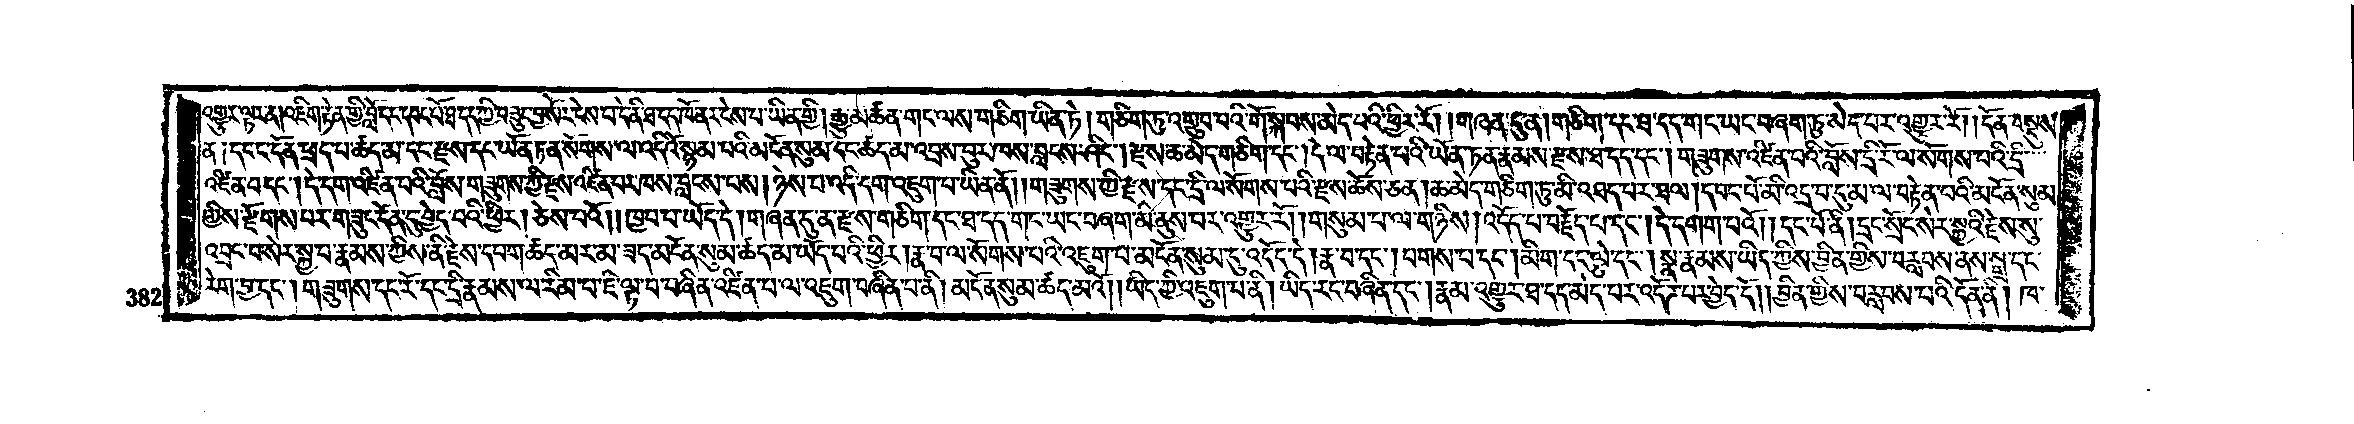འགྱུར་ལྟར་ན། འཇིག་རྟེན་གྱི་བློ་དང་དབང་པོ་ཐ་དད་ཀྱི་བཟུང་བྱས་སོར་ངེས་པ་དེ་ནི་ཐ་དད་ཁོ་ནར་ངེས་པ་ཡིན་གྱི། རྒྱུ་མཚན་གང་ལས་གཅིག་ཡིན་ཏེ། གཅིག་ཏུ་འགྲུབ་པའི་གོ་སྐབས་མེད་པའི་ཕྱིར་རོ། །གཞན་དུ་ན། གཅིག་དང་ཐ་དད་གང་ཡང་བཞག་ཏུ་མེད་པར་འགྱུར་རོ། །དོན་བསྡུས་
ན། དབང་དོན་ཕྲད་པ་ཚད་མ་དང་རྫས་དང་ཡོན་ཏན་སོགས་ལ་འདིའོ་སྙམ་པའི་མངོན་སུམ་དང་ཚད་མ་འབྲས་བུར་ཁས་བླངས་ཤིང་། རྫས་ཆ་མེད་གཅིག་དང་། དེ་ལ་བརྟེན་པའི་ཡོན་ཏན་རྣམས་རྫས་ཐ་དད་དང་། གཟུགས་འཛིན་པའི་བློས་དྲི་རོ་ལ་སོགས་པའི་དྲི་
འཛིན་པ་དང་། དེ་དག་འཛིན་པའི་བློས་གཟུགས་ཀྱི་རྫས་འཛིན་པར་ཁས་བླངས་པས། ཉེས་པ་འདི་དག་འཇུག་པ་ཡིན་ནོ། །གཟུགས་ཀྱི་རྫས་དང་དྲི་ལ་སོགས་པའི་རྫས་ཆོས་ཅན། ཆ་མེད་གཅིག་ཏུ་མི་འཐད་པར་ཐལ། དབང་པོ་མི་འདྲ་བ་དུ་མ་ལ་བརྟེན་པའི་མངོན་སུམ་
གྱིས་རྫོགས་པར་གཟུང་དོན་དུ་བྱེད་པའི་ཕྱིར། ཅེས་པའོ། །ཁྱབ་པ་ཡོད་དེ། གཞན་དུ་ན་རྫས་གཅིག་དང་ཐ་དད་གང་ཡང་བཞག་མི་ནུས་པར་འགྱུར་རོ། །གསུམ་པ་ལ་གཉིས། འདོད་པ་བརྗོད་པ་དང་། དེ་དགག་པའོ། །དང་པོ་ནི། དྲང་སྲོང་སེར་སྐྱའི་རྗེས་སུ་
འབྲང་བ་སེར་སྐྱ་བ་རྣམས་ཀྱིས་ནི་རྗེས་དཔག་ཚད་མར་མ་ཟད་མངོན་སུམ་ཚད་མ་ཡོད་པའི་ཕྱིར། རྣ་བ་ལ་སོགས་པའི་འཇུག་པ་མངོན་སུམ་དུ་འདོད་དེ། རྣ་བ་དང་། པགས་པ་དང་། མིག་དང་ལྕེ་དང་། སྣ་རྣམས་ཡིད་ཀྱིས་བྱིན་གྱིས་བརླབས་ནས་སྒྲ་དང་
རེག་བྱ་དང་། གཟུགས་དང་རོ་དང་དྲི་རྣམས་ལ་རིམ་པ་ཇི་ལྟ་བ་བཞིན་འཛིན་པ་ལ་འཇུག་བཞིན་པ་ནི། མངོན་སུམ་ཚད་མའོ། །ཡིད་ཀྱི་འཇུག་པ་ནི། ཡིད་རྣག་བཞིན་དང་། རྣམ་འགྱུར་ཐ་དད་མེད་པར་འདོགས་པར་བྱེད་དོ། །བྱིན་གྱིས་བརླབས་པའི་དོན་ནི། ཁ་